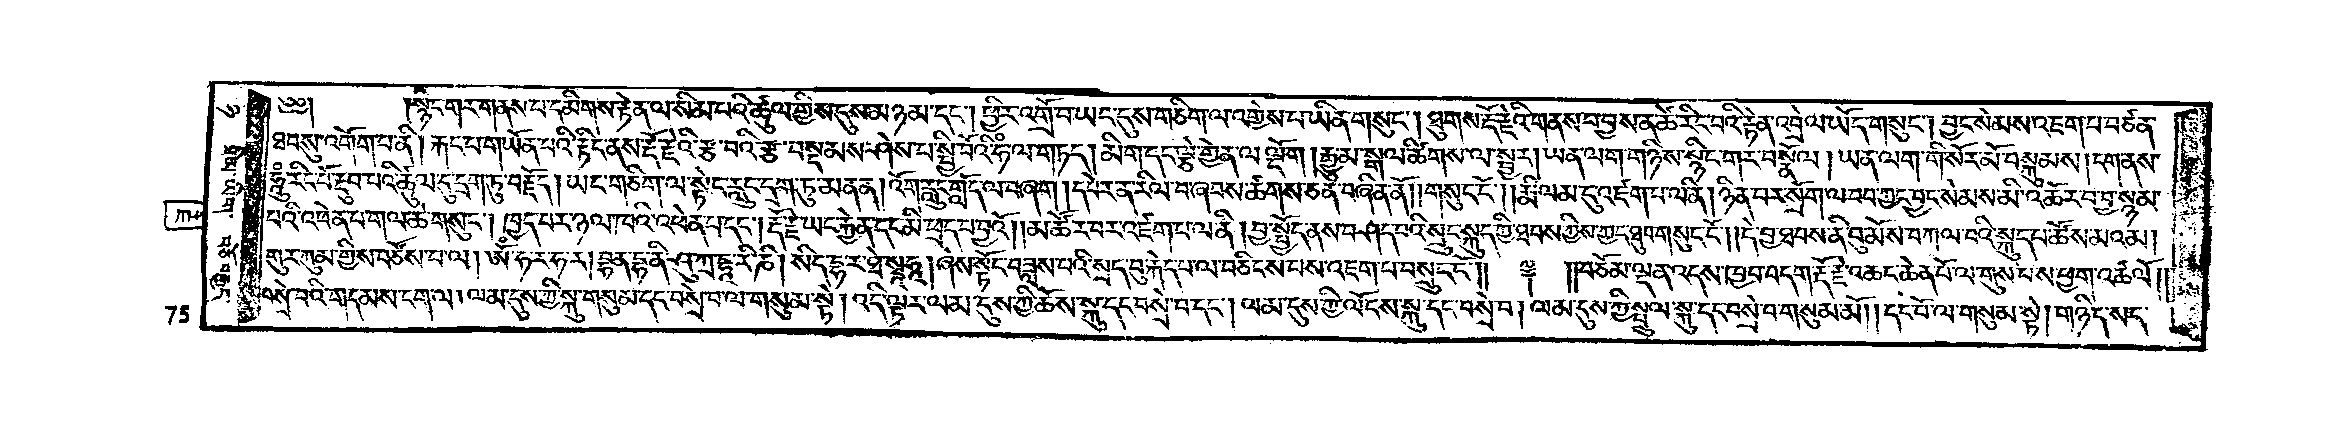༄༅། །སྙིང་གར་གནས་པ་དམིགས་རྟེན་ལ་སིམ་པའི་ཚུལ་གྱིས་དུས་མཉམ་དང་། ཕྱིར་འགྲོ་བ་ཡང་དུས་གཅིག་ལ་འགྱེས་པ་ཡིན་གསུང་། ཐུགས་རྡོ་རྗེའི་གནས་པ་བྱས་ན་ཚེ་རིང་བའི་རྟེན་འབྲེལ་ཡོད་གསུང་། བྱང་སེམས་འཇག་པ་བཙན་
ཐབས་སུ་འགོག་པ་ནི། རྐང་པ་གཡོན་པའི་རྟིང་ནས་རྡོ་རྗེའི་རྩ་བའི་རྩ་བསྡམས་ཤེས་པ་སྤྱི་བོའི་ཧཾ་ལ་གཏད། མིག་དང་ལྕེ་གྱེན་ལ་ལྡོག །རྒྱུ་མ་སྒལ་ཚིགས་ལ་སྦྱར། ཡན་ལག་གཉིས་སྙིང་གར་བསྣོལ། ཡན་ལག་གི་སོར་མོ་བསྐུམས། ངག་ནས་
ཧཱུཾ་རིང་པོ་རྡུབ་པའི་ཚུལ་དུ་དྲག་ཏུ་བརྗོད། ཡང་གཅིག་ལ་སྟེང་རླུང་དྲག་ཏུ་མནན། འོག་རླུང་གློད་ལ་བཞག །དཔེར་ན་རིལ་བ་ཞབས་ཚགས་ཅན་བཞིན་ནོ། །གསུང་ངོ། །རྨི་ལམ་དུ་འཛག་པ་ལ་ནི། ཉིན་པར་སྲོག་ལ་བབ་ཀྱང་བྱང་སེམས་མི་འཚོར་བ་བྱ་སྙམ་
པའི་འཕེན་པ་གལ་ཆེ་གསུང་། ཁྱད་པར་ཉལ་ཁའི་འཕེན་པ་དང་། རྡོ་རྗེ་ཡང་རྐྱེན་དང་མི་ཕྲད་པ་བྱའོ། །མ་ཚོར་བར་འཛག་པ་ལ་ནི། བྱ་སྤྱོད་ནས་བཤད་པའི་སྲུང་སྐུད་ཀྱི་ཐབས་ཀྱིས་ཀྱང་ཐུབ་གསུང་ངོ། །དེ་བྱ་ཐབས་ནི་བུ་མོས་བཀལ་བའི་སྐུད་པ་ཚོས་མའམ།
གུར་ཀུམ་གྱིས་བཅོས་པ་ལ། ཨོཾ་ཧ་ར་ཧ་ར། བྷན་དྷ་ནི་ཤུ་ཀྲ་དྷཱ་རི་ཎི། སིད་དྷ་ར་ཐེ་སྭཱཧཱ། ཞེས་སྟོང་བཟླས་པའི་སྲད་བུ་རྐེད་པ་ལ་བཅིངས་པས་འཇག་པ་བསྲུང་ངོ།། ༈ །།བཅོམ་ལྡན་འདས་ཁྱབ་བདག་རྡོ་རྗེ་འཆང་ཆེན་པོ་ལ་གུས་པས་ཕྱག་འཚལ་ལོ། །
བསྲེ་བའི་གདམས་ངག་ལ། ལམ་དུས་ཀྱི་སྐུ་གསུམ་དང་བསྲེ་བ་ལ་གསུམ་སྟེ། འདི་ལྟར་ལམ་དུས་ཀྱི་ཆོས་སྐུ་དང་བསྲེ་བ་དང་། ལམ་དུས་ཀྱི་ལོངས་སྐུ་དང་བསྲེ་བ། ལམ་དུས་ཀྱི་སྤྲུལ་སྐུ་དང་བསྲེ་བ་གསུམ་མོ། །དང་པོ་ལ་གསུམ་སྟེ། གཉིད་སད་